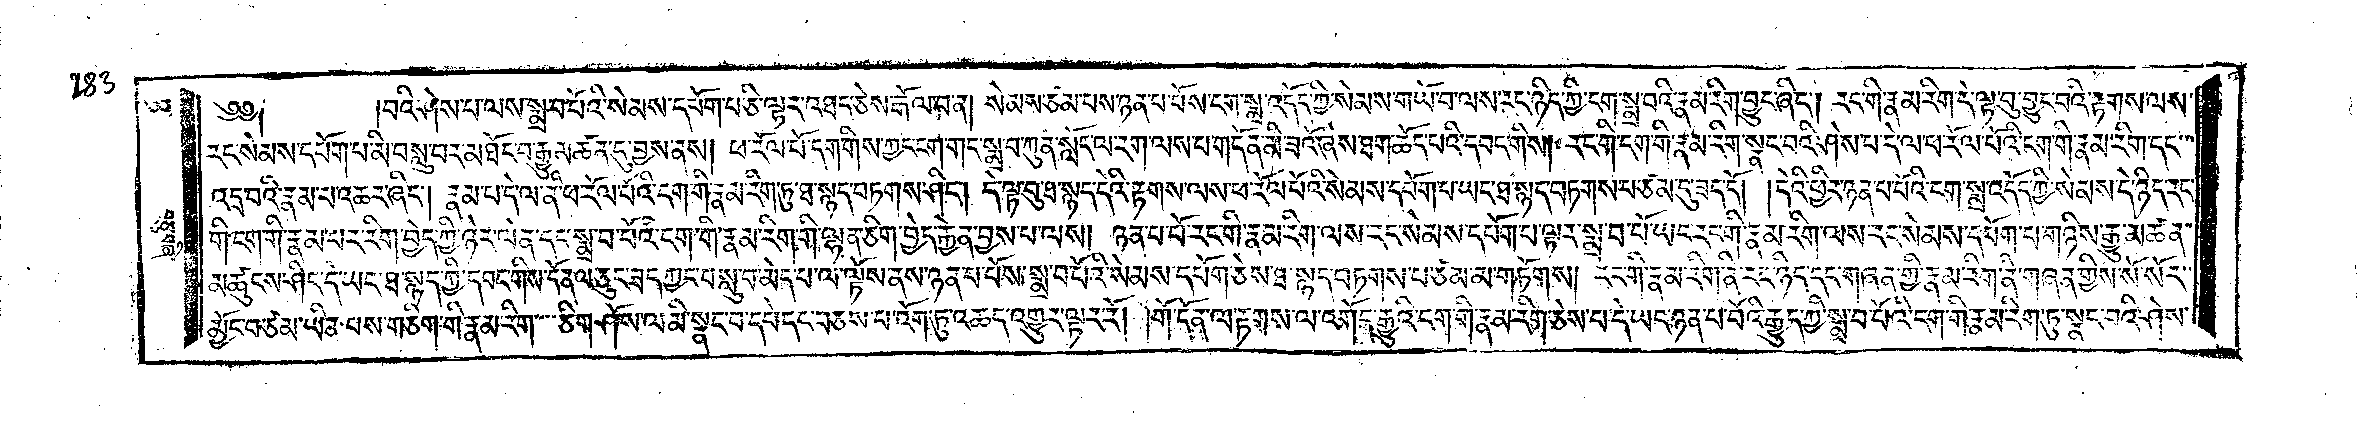༄༅། །བའི་ཤེས་པ་ལས་སྨྲ་བ་པོའི་སེམས་དཔོག་པ་ཅི་ལྟར་འཐང་ཅེས་རྒོལ་བ་ན། སེམས་ཙམ་པས་ཉན་པ་པོས་ངག་སྨྲ་འདོད་ཀྱི་སེམས་གཡོ་བ་ལས་རང་ཉིད་ཀྱི་ངག་སྨྲ་བའི་རྣམ་རིག་བྱུང་ཞིང་། རང་གི་རྣམ་རིག་དེ་ལྟ་བུ་བྱུང་བའི་རྟགས་ལས་
རང་སེམས་དཔོག་པ་མི་བསླུ་བར་མཐོང་བ་རྒྱུ་མཚན་དུ་བྱས་ནས། ཕ་རོལ་པོ་དག་གིས་ཀྱང་ངག་གང་སྨྲ་བ་ཀུན་སློང་ལ་རག་ལས་པ་གདོན་མི་ཟའོ་ཞེས་ཐག་ཆོད་པའི་དབང་གིས། རང་གི་ངག་གི་རྣམ་རིག་སྣང་བའི་ཤེས་པ་དེ་ལ་ཕ་རོལ་པོའི་ངག་གི་རྣམ་རིག་དང་
འདྲ་བའི་རྣམ་པ་འཆར་ཞིང་། རྣམ་པ་དེ་ལ་ནི་ཕ་རོལ་པོའི་ངག་གི་རྣམ་རིག་ཏུ་ཐ་སྙད་བཏགས་ཤིང་། དེ་ལྟ་བུ་ཐ་སྙད་དེའི་རྟགས་ལས་ཕ་རོལ་པོའི་སེམས་དཔོག་པ་ཡང་ཐ་སྙད་བཏགས་པ་ཙམ་དུ་ཟད་དོ། །དེའི་ཕྱིར་ཉན་པ་པོའི་ངག་སྨྲ་འདོད་ཀྱི་སེམས་དེ་ཉིད་རང་
གི་ངག་གི་རྣམ་པར་རིག་བྱེད་ཀྱི་ཉེར་ལེན་དང་སྨྲ་བ་པོའི་ངག་གི་རྣམ་རིག་གི་ལྷན་ཅིག་བྱེད་རྐྱེན་བྱས་པ་ལས། ཉན་པ་པོ་རང་གི་རྣམ་རིག་ལས་རང་སེམས་དཔོག་པ་ལྟར་སྨྲ་བ་པོ་ཡང་རང་གི་རྣམ་རིག་ལས་རང་སེམས་དཔོག་པ་གཉིས་རྒྱུ་མཚན་
མཚུངས་ཤིང་དེ་ཡང་ཐ་སྙད་ཀྱི་དབང་གིས་དོན་ལ་ཅུང་ཟད་ཀྱང་བསླུ་བ་མེད་པ་ལ་ལྟོས་ནས་ཉན་པ་པོས་སྨྲ་བ་པོའི་སེམས་དཔོག་ཅེས་ཐ་སྙད་བཏགས་པ་ཙམ་མ་གཏོགས། རང་གི་རྣམ་རིག་ནི་རང་ཉིད་དང་གཞན་གྱི་རྣམ་རིག་ནི་གཞན་གྱིས་སོ་སོར་
མྱོང་བ་ཙམ་ཡིན་པས་གཅིག་གི་རྣམ་རིག་ཅིག་ཤོས་ལ་མི་སྣང་བ་དཔེ་དང་བཅས་པ་འོག་ཏུ་འཆད་འགྱུར་ལྟར་རོ། །གོ་དོན་ལ་རྟགས་ལ་འགོད་རྒྱུའི་ངག་གི་རྣམ་རིག་ཅེས་པ་དེ་ཡང་ཉན་པ་བོའི་རྒྱུད་ཀྱི་སྨྲ་བ་པོའི་ངག་གི་རྣམ་རིག་ཏུ་སྣང་བའི་ཤེས་